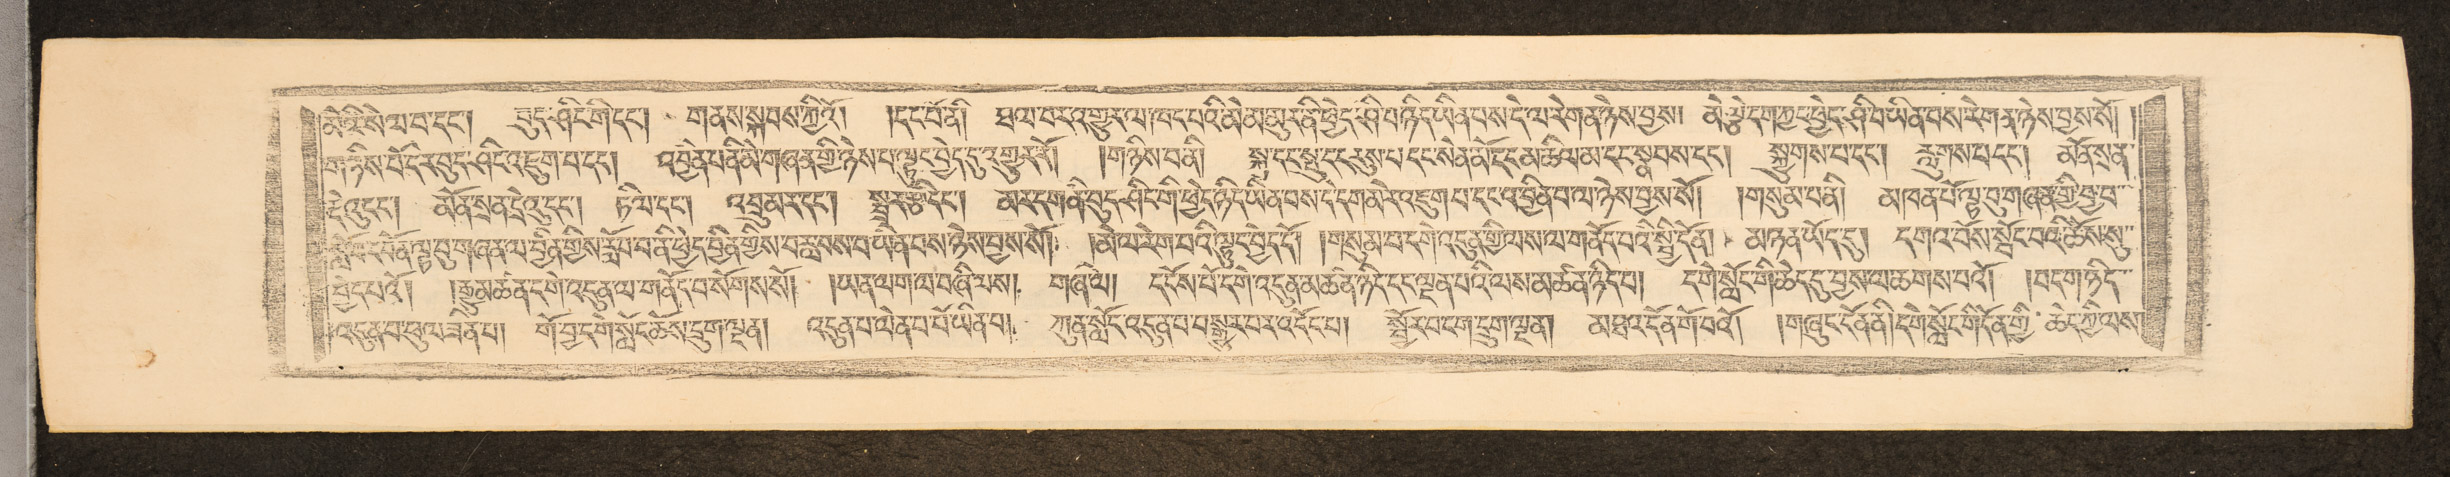མེའི་སེལ་པ་དང་། བུད་ཤིང་གི་དང་། གནས་སྐབས་ཀྱིའོ། །དང་པོ་ནི། ཐལ་བར་འགྱུར་ལ་ཁད་བའི་མེ་མ་མུར་ནི་པྱེད་ཤི་བ་ཉིད་ཡིན་པས་དེ་ལ་རེག་ན་ཉེས་བྱས། མེ་ལྕེ་དག་ཀྱང་ཕྱེད་ཤི་བ་ཡིན་པས་རེ་གན་ཉེས་བྱས་སོ། །
གཉིས་བོ་དེར་བུད་ཤིང་འཇུག་པ་དང་། འབྱིན་པ་ནི་མེ་གཞན་གྱི་ཉེས་བ་ལྟུང་བྱེད་དུ་འགྱུར་རོ། །གཉིས་པ་ནི། སྐྲ་དང་སྦུ་དང་རུས་པ་དང་སེན་མོ་དང་མཆིལ་མ་དང་སྣབས་དང་། སྐྱུགས་པ་དང་། རླུགས་པ་དང་། མོན་སྲན་
རྡེའུ་དང་། མོན་སྲན་དྲེའུ་དང་། ཏིལ་དང་། འབྲུ་མར་དང་། སྦྲང་རྩི་དང་། མར་དག་ནི་བུད་ཤིར་གྱི་བྱེད་ཉིད་ཡིན་པས་དེ་དག་མེར་འཇུག་པ་དང་འབྱིན་པ་ལ་ཉེས་བྱས་སོ། །གསུམ་པ་ནི། མཁན་པོ་ལྟ་བུ་གཞན་གྱི་བྱ་བ་
སློབ་དཔོན་ལྟ་བུ་གཞན་ལ་བྱིན་གྱིས་རློབ་པ་ནི་ཕྱེད་བྱིན་གྱིས་བརླབས་པ་ཡིན་པས་ཉེས་བྱས་སོ། །མེལ་རེག་པའི་ལྟུང་བྱེད་དོ། །གསུམ་པ་དགེ་འདུན་གྱི་ལས་ལ་གནོད་པའི་སྤྱི་དོན། མཉན་ཡོད་དུ། དགའ་བོས་སྤོང་བའི་ཆོས་སུ་
བྱེད་པའོ། །རྒྱུ་མཚན་དགེ་འདུན་ལ་གནོད་པ་སོགས་སོ། །ཡན་ལག་ལ་བཞི་ལས། གཞི་ལ། དངོས་པོ་དགེ་འདུན་མཚན་ཉིད་དང་ལྡན་པའི་ལས་མཚན་ཉིད་པ། དགེ་སློང་གི་ཆེད་དུ་བྱས་ལ་ཆགས་པའོ། །བདག་ཉིད་
འདུན་པ་ཕུལ་ཟིན་པ། གོ་བྱ་དགེ་སློང་ཆོས་དྲུག་ལྡན། འདུན་བ་ལེན་པ་པོ་ཡིན་པ། ཀུན་སློང་འདུན་པ་བསྒྱུར་བར་འདོད་པ། སྦྱོར་པ་ངག་དྲུག་ལྡན། མཐའ་དོན་གོ་བའོ། །གཞུང་དོན་ནི། དགེ་སློང་གི་དོན་གྱི་ཆེད་ཀྱི་ལ་